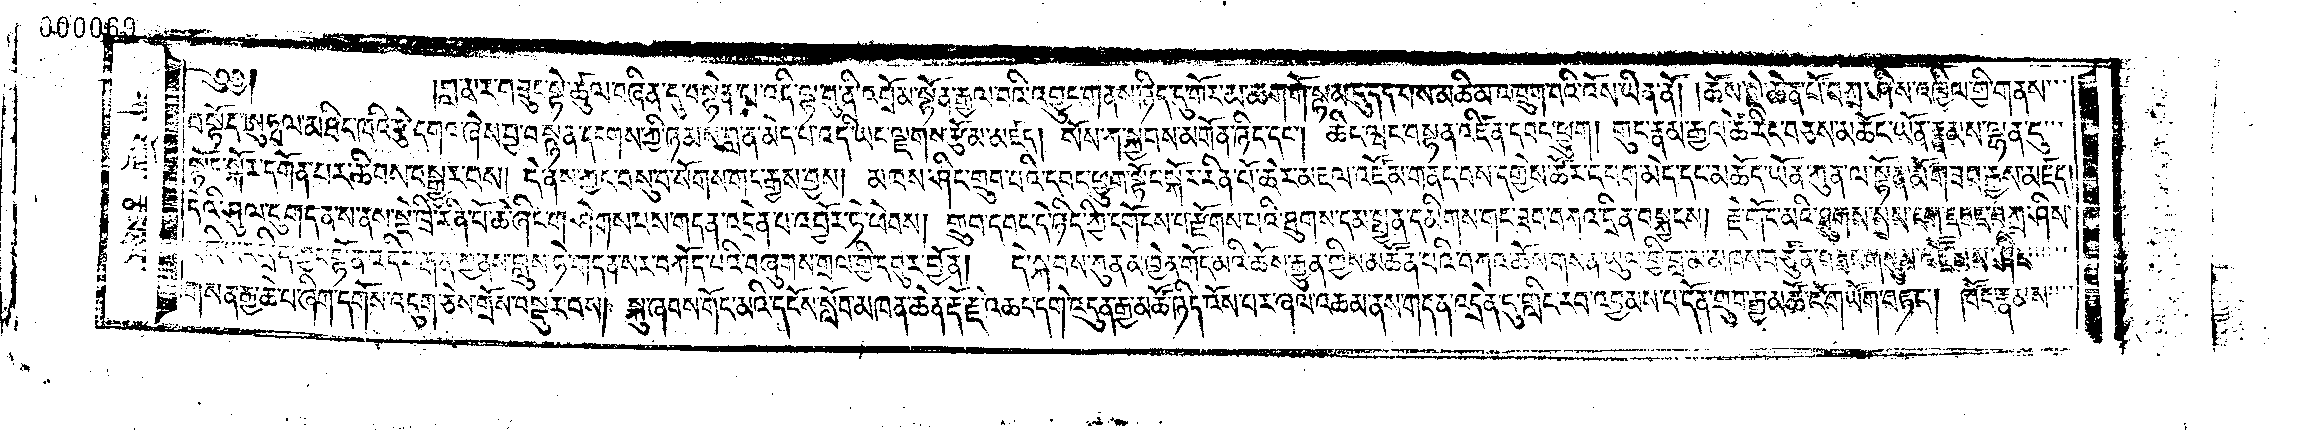༄༅། །བླ་མར་བཟུང་སྟེ་ཚུལ་བཞིན་དུ་བསྙེན་པ་འདི་ལྟ་བུ་ནི་འབྲོམ་སྟོན་རྒྱལ་བའི་འབྱུང་གནས་ཉིད་དུ་གོར་མ་ཆག་གོ་སྙམ་དུ་དད་པས་མཆི་མ་འཁྲུག་པའི་འོས་ཡིན་ནོ། །ཆོས་སྡེ་ཆེན་པོ་བཀྲ་ཤིས་འཁྱིལ་གྱི་གནས་
བསྟོད་ཨུཏྤལ་མཐིང་ཁའི་རྩེ་དགའ་ཞེས་བྱ་བ་སྙན་དངགས་ཀྱི་ཉམས་བླ་ན་མེད་པ་འདི་ཡང་ལྗགས་རྩོམ་མཛད། སོས་ཀ་སྐྱབས་མགོན་ཉིད་དང་། ཆིང་ཝང་བསྟན་འཛིན་དབང་ཕྱུག། གུང་རྣམ་རྒྱལ་ཚེ་རིང་བཅས་མཆོད་ཡོན་རྣམས་ལྷན་དུ་
སྟོང་སྐོར་དགོན་པར་ཆིབས་བསྒྱུར་བས། དེ་ནས་ཀྱང་བསུ་བ་སོགས་གང་རྒྱས་བྱས། མཁས་ཤིང་གྲུབ་པའི་དབང་ཕྱུག་སྟོང་སྐོར་རིན་པོ་ཆེར་མཇལ་འཛོམ་གནང་བས་དགྱེས་ཚོར་དཔག་མེད་དང་མཆོད་ཡོན་ཀུན་ལ་སྟོན་མོ་གཟབ་རྒྱས་མཛད།
དེའི་ཤུལ་དུ་གདན་ས་ནས་སྡེ་ཁྲི་རིན་པོ་ཆེ་ཞིང་གཤེགས་པས་གདན་འདྲེན་པ་འབྱོར་ཏེ་ཕེབས། གྲུབ་དབང་དེ་ཉིད་ཀྱི་དགོངས་པ་རྫོགས་པའི་ཐུགས་དམ་སྤྱན་དམིགས་གང་ཟག་བཀའ་དྲིན་བསྐྱངས། རྗེ་གོང་མའི་ཐུགས་སྲས་ངག་དབང་བཀྲ་ཤིས་
པའི་ཡང་སྲིད་ཀྱང་སྟོན་འདིར་རྒན་ཀྱ་ནས་བླུས་ཏེ་གདན་སར་བཀོད་པའི་བཞུགས་གྲལ་གྱི་དབུར་བྱོན། དེ་སྐབས་ཀུན་མཁྱེན་གོང་མའི་ཆོས་རྒྱུན་གྱིས་མཚོན་པའི་བཀའ་ཆོས་གསན་ཡུལ་གྱི་བླ་མ་མཁས་བཙུན་བཟང་གསུམ་འཛོམས་ཤིང་
གསན་རྒྱ་ཆེ་བ་ཞིག་དགོས་འདུག་ཅེས་གྲོས་བསྡུར་བས། སྐུ་ཞབས་གོང་མའི་དངོས་སློབ་མཁན་ཆེན་རྡོ་རྗེ་འཆང་དགེ་འདུན་རྒྱ་མཚོ་ཉིད་འོས་པར་ཞལ་འཆམ་ནས་གདན་འདྲེན་དུ་གླིང་རབ་འབྱམས་པ་དོན་གྲུབ་རྒྱ་མཚོ་ངོ་གཡོག་བཏང་། ཁོང་རྣམས་